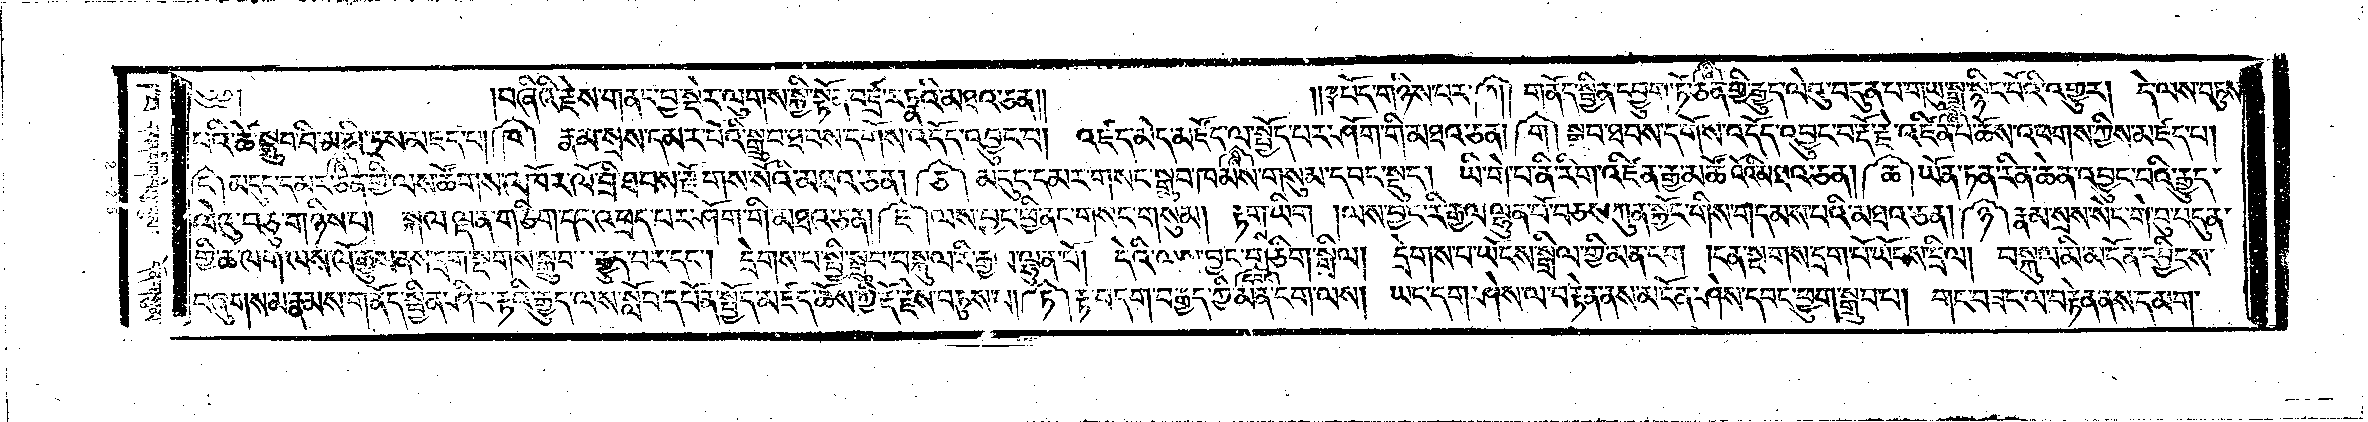༄༅། །བཞིའི་རྗེས་གནང་བྱ་སྡེར་ལུགས་སྐྱི་སྟོན་བཛྲ་ཏྣའི་མཐའ་ཅན།། །།༈ པོད་གཉིས་པར། ༼ཀ༽ གནོད་སྦྱིན་དབྱུག་ཏོ་ཅན་གྱི་རྒྱུད་ལེའུ་བདུན་པ་གཡུ་སྒྲ་སྙིང་པོའི་འགྱུར། དེ་ལས་བཏུས་
པའི་ཚེ་སྒྲུབ་བི་མ་མི་ཏྲས་མཛད་པ། ༼ཁ༽ རྣམ་སྲས་དམར་པོའི་སྒྲུབ་ཐབས་དགོས་འདོད་འབྱུང་བ། འཛད་མེད་མཛོད་ལ་སྤྱོད་པར་ཤོག་གི་མཐའ་ཅན། ༼ག༽ སྒྲུབ་ཐབས་དགོས་འདོད་འབྱུང་བ་རྡོ་རྗེ་འཛིན་པ་ཆོས་འཕགས་ཀྱིས་མཛད་པ།
༼ང༽ མདུང་དམར་ཅན་གྱི་ལས་ཚོགས་འཁོར་ལོ་བྲི་ཐབས་རྫོགས་སོའི་མཐའ་ཅན། ༼ཅ༽ མདུང་དམར་གསང་སྒྲུབ་ཁམས་གསུམ་དབང་སྡུད། ཡི་གེ་པ་ནི་རིག་འཛིན་རྒྱ་མཚོའོའི་མཐའ་ཅན། ༼ཆ༽ ཡོན་ཏན་རིན་ཆེན་འབྱུང་བའི་རྒྱུད་
ལེའུ་བཅུ་གཉིས་པ། སྐལ་ལྡན་གཅིག་དང་འཕྲད་པར་ཤོག་གི་མཐའ་ཅན། ༼ཇ༽ ལས་བྱང་ཕྱི་ནང་གསང་གསུམ། རྟག་ཡིག །ལས་བྱང་རི་རྒྱལ་ལྷུན་པོ་བཅས་ཀུན་སྐྱོང་གིས་གདམས་པའི་མཐའ་ཅན། ༼ཉ༽ རྣམ་སྲས་སེང་གེ་བུ་བདུན་
གྱི་ཆ་ལག་ལས་ལོ་རྒྱུས་ནས་དྲག་སྔགས་སྒྲུབ་རྒྱུད་པར་དང་། དྲེགས་པ་སྤྱི་སྒྲུབ་བསྐུལ་རི་རྒྱལ་ལྷུན་པོ། དེའི་ལས་བྱུང་གཅིག་སྒྲིལ། དྲེགས་པ་ཡོངས་སྒྲིལ་གྱི་མན་ངག །ངན་སྔགས་དྲག་པོ་ཡོངས་དྲིལ། བསྐུལ་མི་མངོན་དབྱིངས་
བཞུགས་མ་རྣམས་གནོད་སྦྱིན་ཤིང་རྟའི་རྒྱུད་ལས་སློབ་དཔོན་སྤྱོད་མཛད་ཆོས་ཀྱི་རྡོ་རྗེས་བཏུས་པ། ༼ཏ༽ རྟ་བདག་བརྒྱད་ཀྱི་མན་ངག་ལས། ཡང་དག་ཤེས་ལ་བརྟེན་ནས་མངོན་ཤེས་དབང་ཕྱུག་སྒྲུབ་པ། གང་བཟང་ལ་བརྟེན་ནས་དམག་